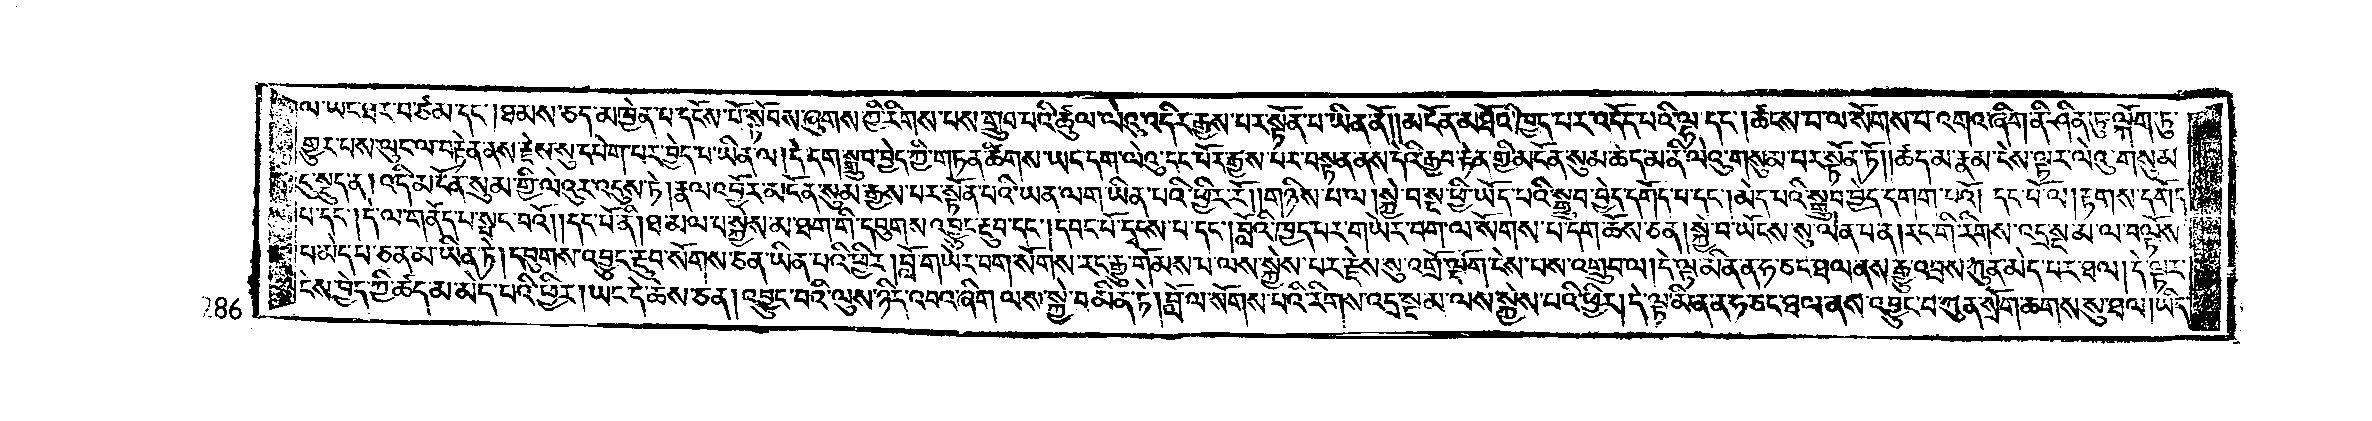ལ་ཡང་ཐར་བ་ཙམ་དང་། ཐམས་ཅད་མཁྱེན་པ་དངོས་པོ་སྟོབས་ཞུགས་ཀྱི་རིགས་པས་གྲུབ་པའི་ཚུལ་ལེའུ་འདིར་རྒྱས་པར་སྟོན་པ་ཡིན་ནོ། །མངོན་མཐོའི་ཁྱད་པར་འདོད་པའི་ལྷ་དང་། ཚངས་པ་ལ་སོགས་པ་འགའ་ཞིག་ནི་ཤིན་ཏུ་ལྐོག་ཏུ་
གྱུར་པས་ལུང་ལ་བརྟེན་ནས་རྗེས་སུ་དཔོག་?་པར་བྱེད་པ་ཡིན་ལ། དེ་དག་སྒྲུབ་བྱེད་ཀྱི་གཏན་ཚིགས་ཡང་དག་ལེའུ་དང་པོར་རྒྱས་པར་བསྟན་ནས་དེའི་རྒྱབ་རྟེན་གྱི་མངོན་སུམ་ཚད་མ་ནི་ལེའུ་གསུམ་པར་སྟོན་ཏོ། །ཚད་མ་རྣམ་ངེས་ལྟར་ལེའུ་གསུམ་
དུ་སྡུད་ན། འདི་མངོན་སུམ་གྱི་ལེའུར་འདུས་ཏེ། རྣལ་འབྱོར་མངོན་སུམ་རྒྱས་པར་སྟོན་པའི་ཡན་ལག་ཡིན་པའི་ཕྱིར་རོ། །གཉིས་པ་ལ། སྐྱེ་བ་སྔ་ཕྱི་ཡོད་པའི་སྒྲུབ་བྱེད་དགོད་པ་དང་། མེད་པའི་སྒྲུབ་བྱེད་དགག་པའོ། དང་པོ་ལ། རྟགས་དགོད་
པ་དང་། དེ་ལ་གནོད་པ་སྤང་བའོ། །དང་པོ་ནི། ཐ་མལ་པ་སྐྱེས་མ་ཐག་གི་དབུགས་འབྱུང་རྡུབ་དང་། དབང་པོ་དྭངས་པ་དང་། བློའི་ཁྱད་པར་གཡེར་བག་ལ་སོགས་པ་དག་ཆོས་ཅན། སྐྱེ་བ་ཡོངས་སུ་ལེན་པ་ན། རང་གི་རིགས་འདྲ་སྔ་མ་ལ་བལྟོས་
པ་མེད་པ་ཅན་མ་ཡིན་ཏེ། དབུགས་འབྱུང་རྡུབ་སོགས་ཅན་ཡིན་པའི་ཕྱིར། བློ་གཡེར་བག་སོགས་རང་རྒྱུ་གོམས་པ་ལས་སྐྱེས་པར་རྗེས་སུ་འགྲོ་ལྡོག་ངེས་པས་འགྲུབ་ལ། དེ་ལྟ་མིན་ན་ཧ་ཅང་ཐལ་ནས་རྒྱུ་འབྲས་ཀུན་མེད་པར་ཐལ། དེ་ལྟར་
ངེས་བྱེད་ཀྱི་ཚད་མ་མེད་པའི་ཕྱིར། ཡང་དེ་ཆོས་ཅན། འབྱུང་བའི་ལུས་ཉིད་འབའ་ཞིག་ལས་སྐྱེ་བ་མིན་ཏེ། བློ་ལ་སོགས་པའི་རིགས་འདྲ་སྔ་མ་ལས་སྐྱེས་པའི་ཕྱིར། དེ་ལྟ་མིན་ན་ཧ་ཅང་ཐལ་ནས་འབྱུང་བ་ཀུན་སྲོག་ཆགས་སུ་ཐལ། ཡིད་